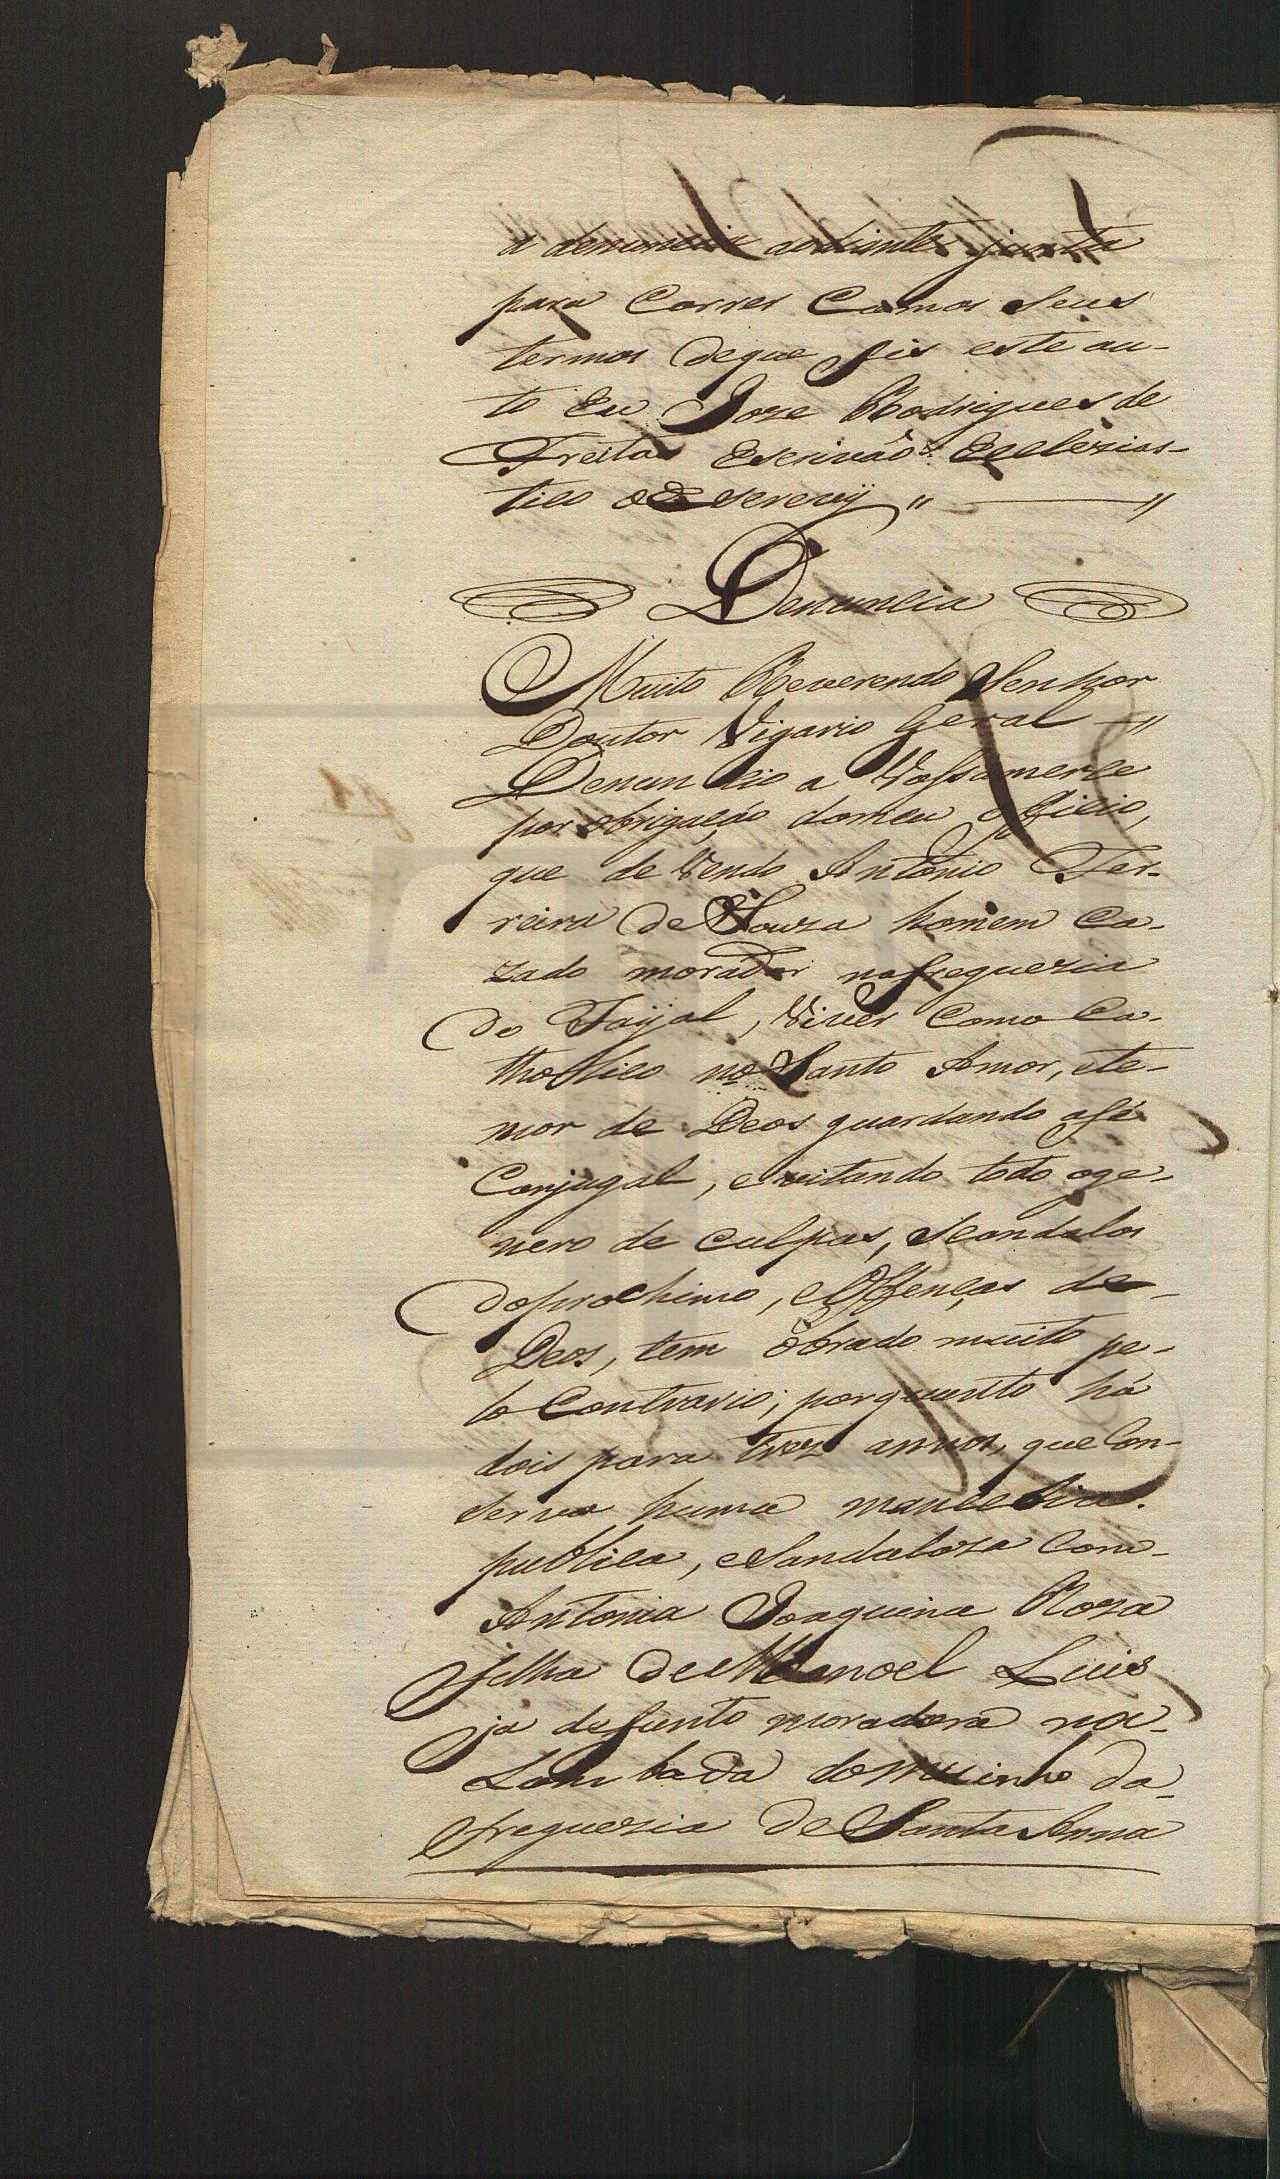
a denuncia ao diante junta
para correr Com os seus
termos de que fis este au
to Eu Ioze Rodrigues de
Freitas Escrivaõ Ecclezias
tico o escrevy
Denuncia
Muito Reverendo Senhor
Doutor Vigario Geral
Denuncio a Vossa merce
por obrigaçaõ do meu officio,
que deVendo Antonio OFer
reira de Souza homem ca
zado morador na freguezia
do Fayal, Viuer Como Ca
tholico no Santo Amor, e te
mor de Deos guardando a fé
Conjugal, evitando todo o ge
nero de culpas, scandalos
do prochimo, e Offenças de
Deos, tem obrado muito pe
lo Contrario; porquanto há
dois para trez annos, que Con
serva huma mancebia.
publica, e Sandaloza com
Antonia Ioaquina Roza
filha de Manoel Luis
ja defunto moradora na
Lombada do muinho da
freguezia de Santa Anna
